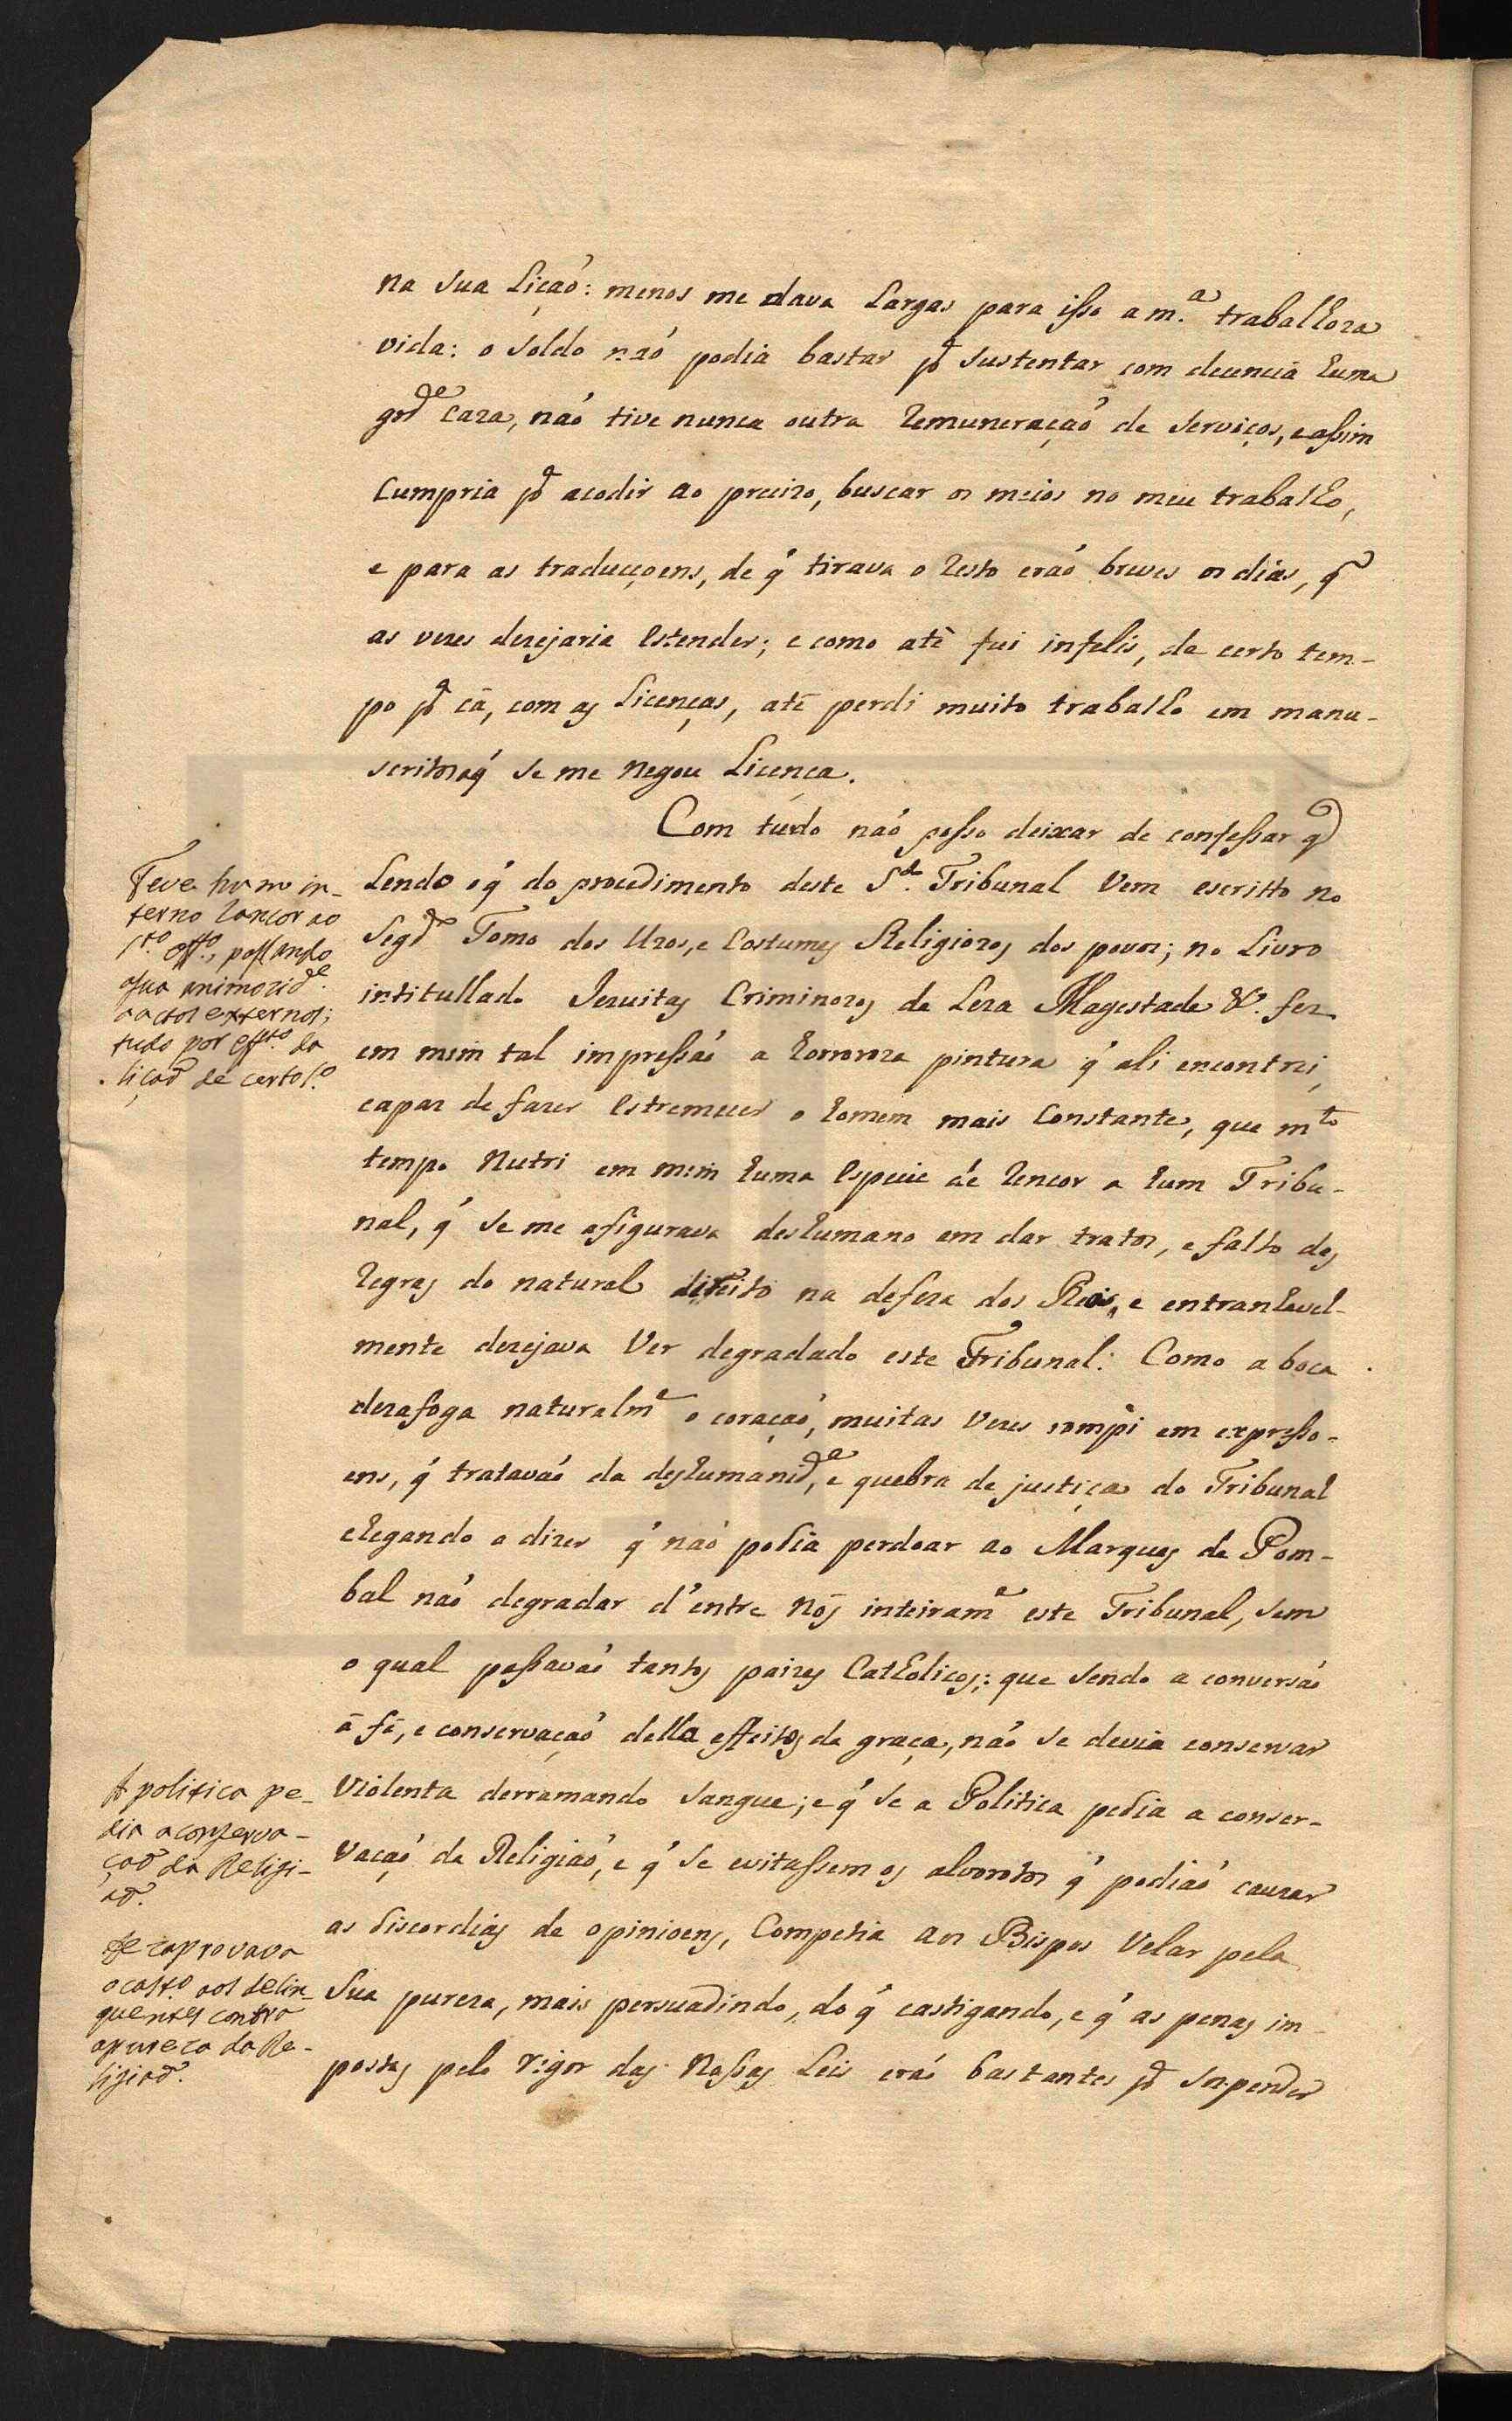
Teve hum in
terno Rancor ao
st.o Off.o, passando
a sua animozid.e
a actos externos;
tudo por eff.to da
liçaõ de certo s.o
A politica pe
dia a conserva
çaõ da Religi
aõ.
fe Raprovava
o cast.o aos delin
quentes contra
a pureza da Re
ligiaõ.
na sua Liçaõ: menos me dava Largas para isso a m.a trabalhoza
vida: o Soldo naõ podia bastar p̄ sustentar com decencia huma
gr.de caza, naõ tive nunca outra Remuneraçaõ de Serviços, e assim
Cumpria p.a acodir ao precizo, buscar os meios no meu trabalho,
e para as traducçoens, de q̄ tirava o Resto eraõ breves os dias, q̄
as vezes dezejaria estender, e como até fui infelis, de certo tem
po pa cá, com as Licenças, até perdi muito trabalho em manu
scritos a q̄ se me negou Licença.
Com tudo naõ posso deixar de confessar q̄
lendo o q̄ do procedimento deste S.to Tribunal Vem escritto no
segd.o Tomo dos Uzos, e Costumes Religiozos dos povos; no Livro
intitullado Iezuitas Criminozos de Leza Magestade &.a fez
em mim tal impressaõ a horroroza pintura q̄ ali encontrei,
capaz de fazer estremecer o homem mais constante, que m.to
tempo nutri em mim huma especie de Rancor a hum Tribu
nal, q̄ se me afigurava deshumano em dar tratos, e falto das
Regras do natural direito na defeza dos Reis, e entranhavel
mente dezejava Ver degradado este Tribunal. Como a boca
dezafoga naturalm.e o coraçaõ, muitas vezes rompi em expresso
ens, q̄ tratavaõ da deshumanid.e, e quebra de justiça do Tribunal
chegando a dizer q̄ naõ podia perdoar ao Marques de Pom
bal naõ degradar d'entre nós inteiram.e este Tribunal, sem
o qual passavaõ tantos paizes Catholicos: que sendo a conversaõ
á fé, e conservaçaõ della effeitos da graça, naõ se devia conservar
violenta derramando sangue; e q̄ se a Politica pedia a conser
vaçaõ da Religiaõ, e q̄ se evitassem os alvorosos q̄ podiaõ cauzar
as discordias de opinioens, Competia aos Bispos Velar pela
Sua pureza, mais persuadindo, do q̄ castigando, e q̄ as penas in
postas pelo rigor das Nossas Leis eraõ bastantes p.a sospender
